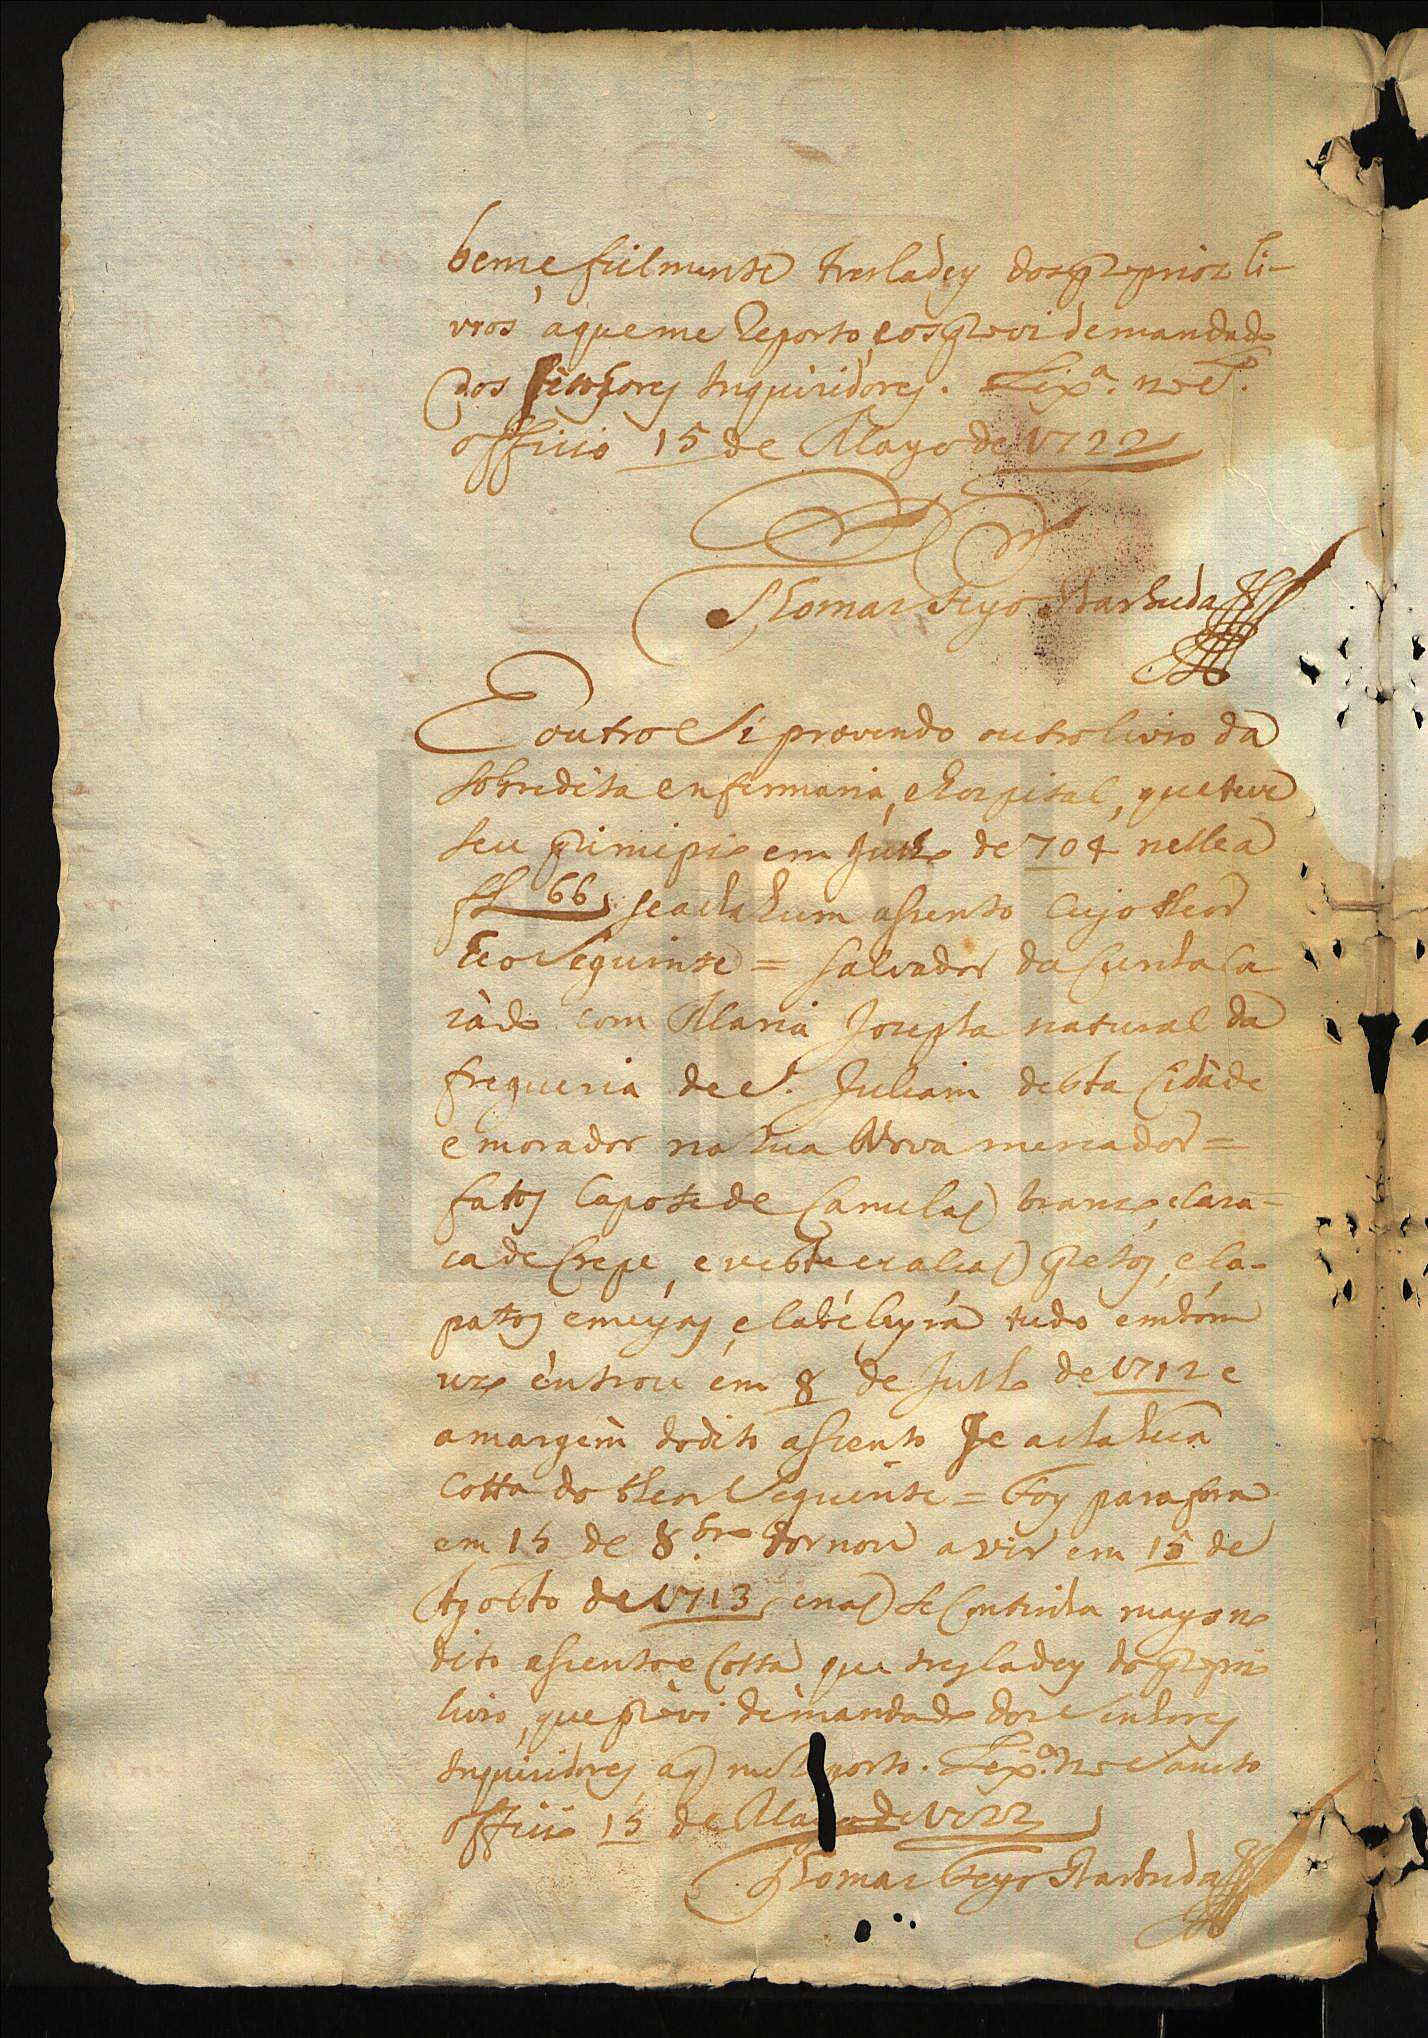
bem e fielmente tresladey dos proprios li
vros a que me Reporto, e os provi de mandado
dos Senhores Inquizidores. Lix.a no s.to
officio 15 de Mayo de 1722
Thomas Feyo Barbuda
E outrosi provendo outro livro da
sobredita enfermaria, e hospital, que teve
seu principio em Julho de 704 nelle a
fL 66. se acha hum assento cujo theor
he o Seguinte = Salvador da Cunha ca
zado com Maria Jozepha natural da
freguezia de S. Juliam desta Cidade
e morador na Rua Nova mercador
fatos Capote de Camelaꝭ branco, e caza
ca de Crepe, e veste e calçaꝭ pretos, e ça
patos e meyas, e cabeCeyra tudo em bom
uzo entrou em 8 de Julho de 1712 e
a margem do dito assento se acha huā
cotta do theor Seguinte = Foy para fora
em 15 de 8.bro tornou a vir em 15 de
Agosto de 1713 e naꝭ se Continha mays no
dito assento e Cotta que tresladey do proprio
livro, que provi de mandado dos senhores
Inquisidores, a q̄ me R_porto. Lix.a no sancto
officio 15 de Mayo de 1722
Thomas Feyo Barbuda
